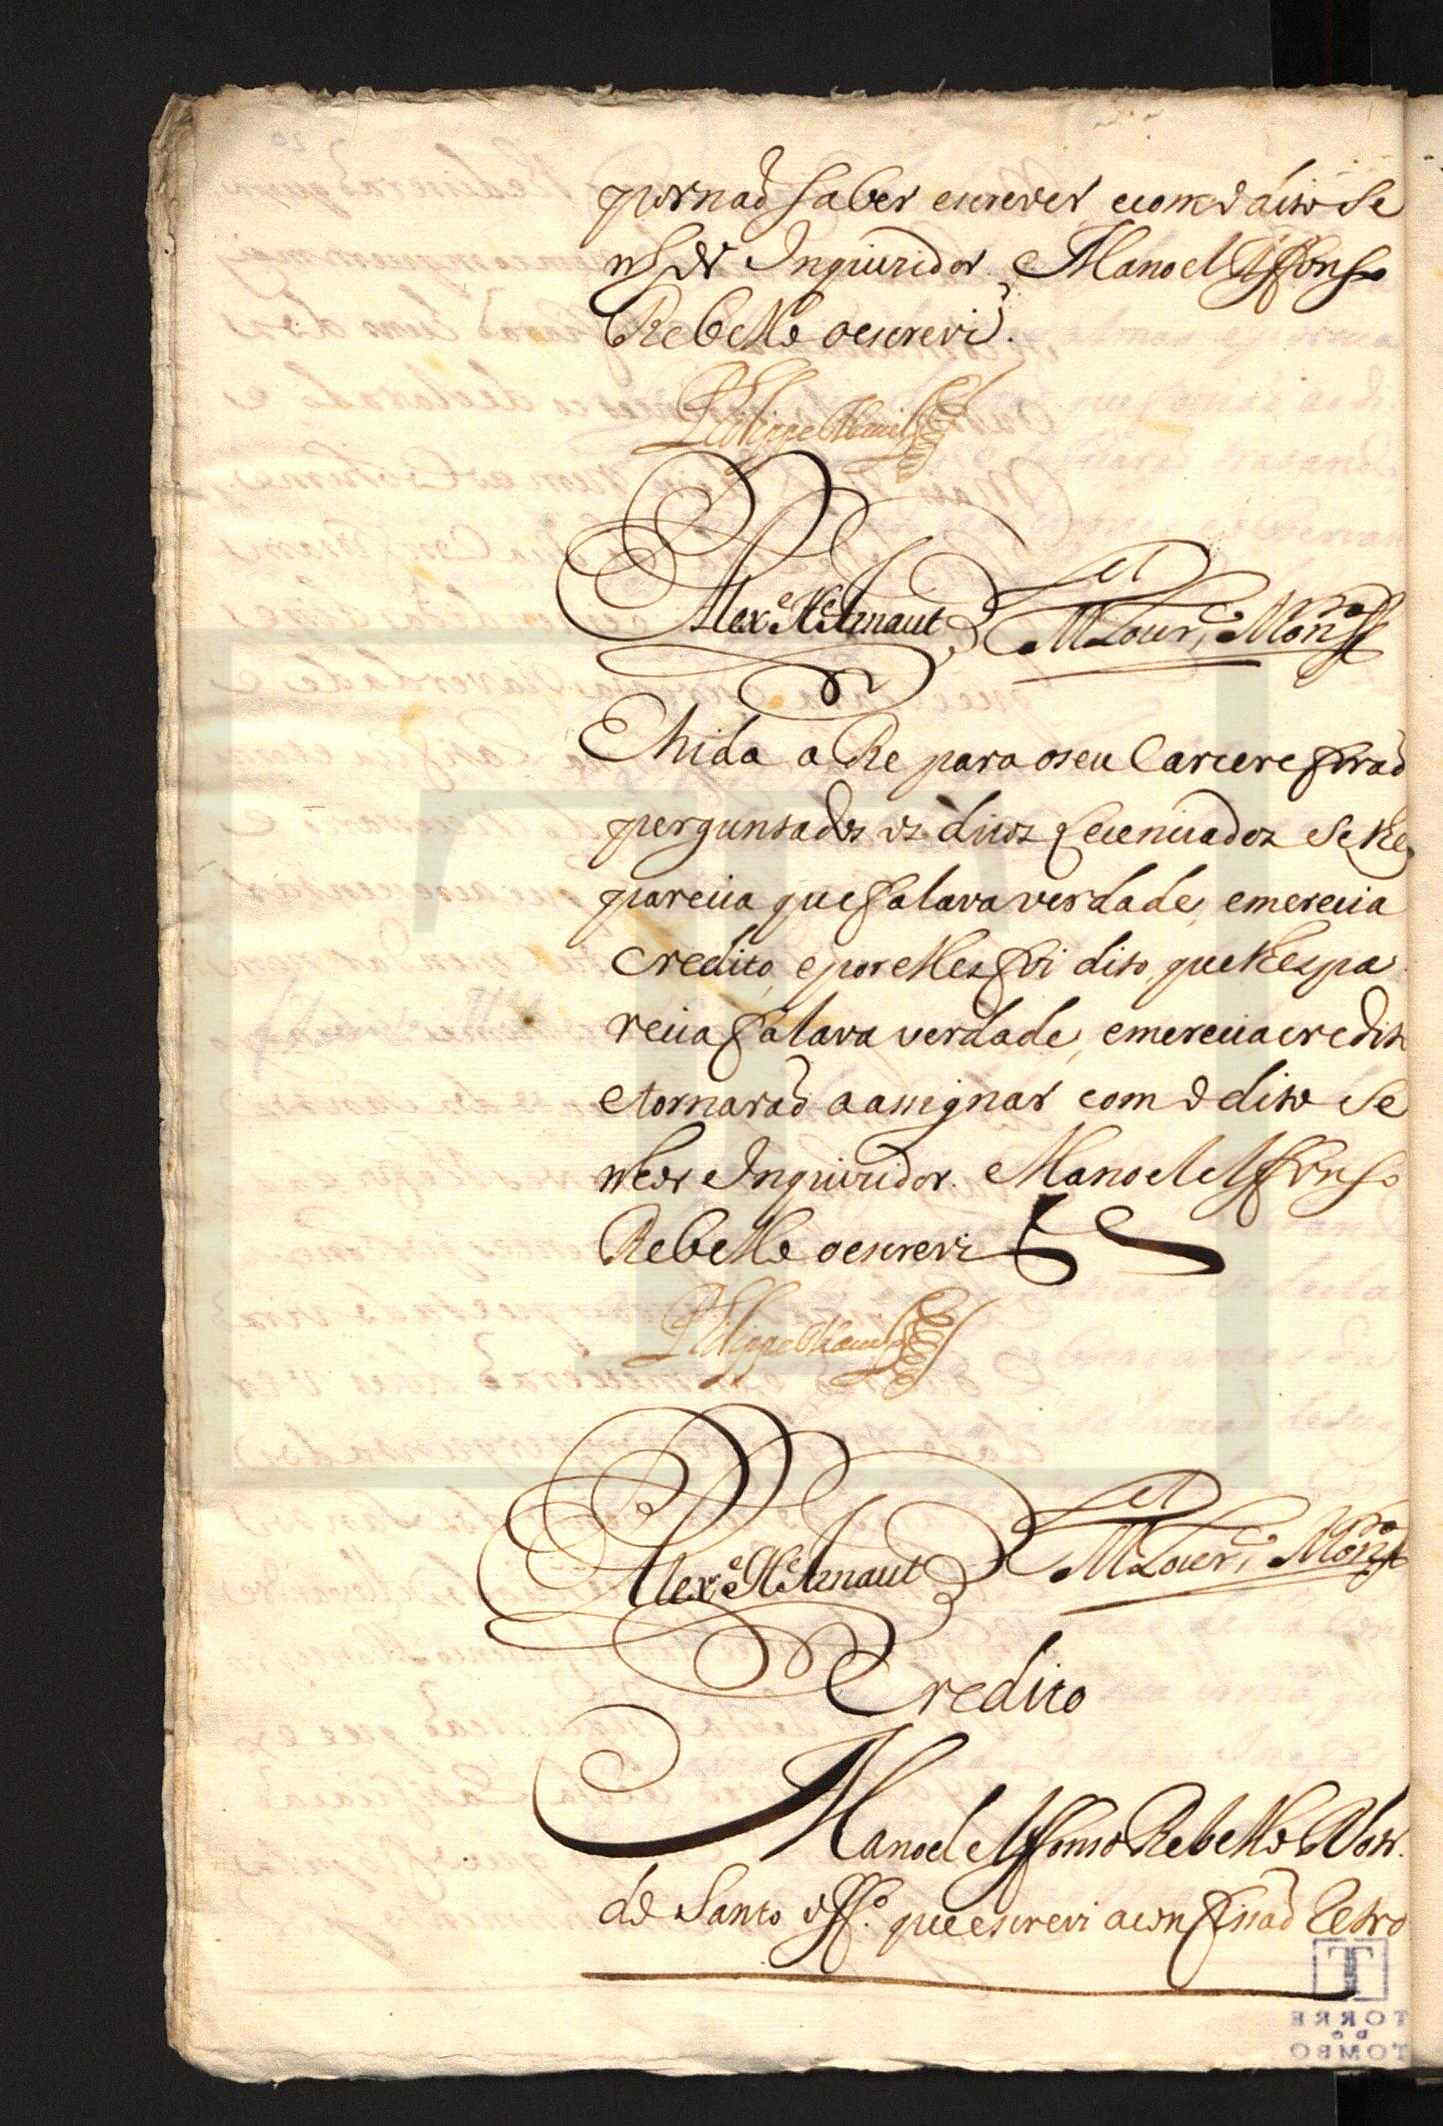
por naõ saber escrever, e com o dito se
nhor Inquizidor Manoel Affonso
Rebello o escrevi.
Philippe Maciel
Alex.e He Arnaut
Mel Lourço Montro
E hida a Re para o seu Carcere foraõ
perguntados os ditos Lecenciadoz se lhe
parecia que falava verdade, e merecia
credito, e por elles foi dito que lhes pa
recia falava verdade, e merecia credito
e tornaraõ a assignar com o dito Se
nhor Inquizidor Manoel Affonso
Rebello o escrevi
Philippe Maciel
Alexe He Arnaut Mel Lourço Montro
Credito
Manoel Affonso Rebello Notro
do Santo off.o que escrevi a confissaõ Retro
